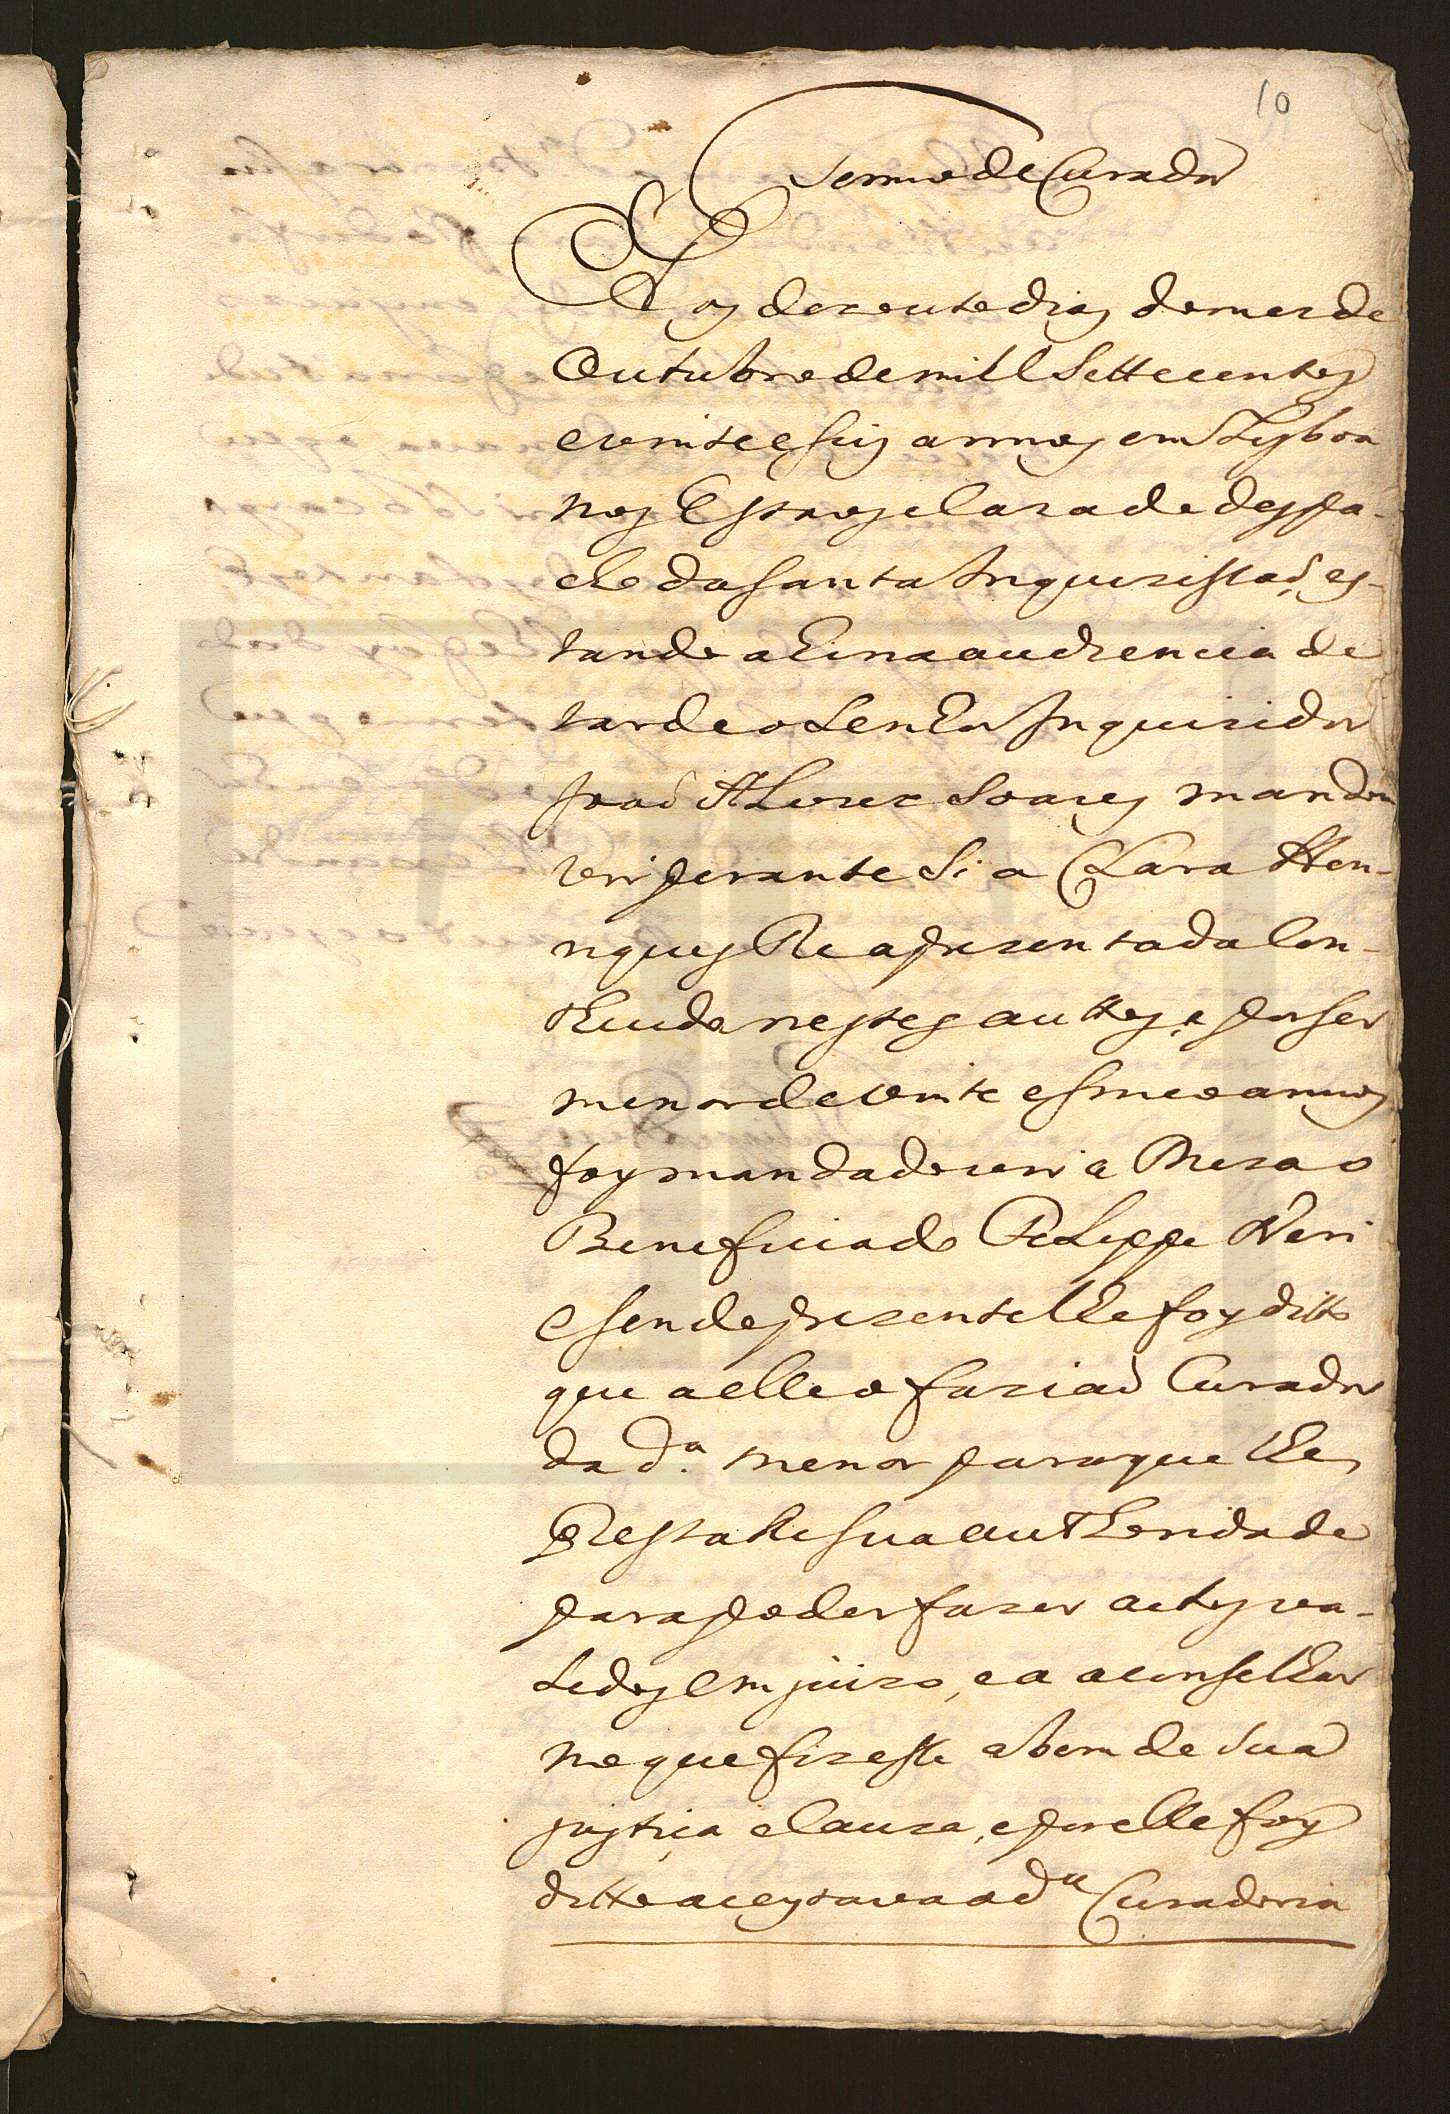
Termo de Curador
Aos dezouto dias do mez de
Outubro de mil e Settecentos
e vinte e seis annos em Lisboa
nos Estaos e Caza de despa
cho da santa Inquizissaõ, es
tando ahi na audiencia de
tarde o senhor Jnquizidor
Joaõ ALvrez Soares mandou
vir perante Si a CLara Hen
riques Re aprezentada Con
theuda nestes auttos, e por ser
menor de vinte e sinco annos
foy mandado vir a Meza o
Beneficiado FeLippe Neri
e sendo prezente lhe foy ditto
que a elle o faziaõ Curador
da d.a menor para que lhe
prestasse sua authoridade
para poder fazer actos va
Lidos em juizo, e a aconselhar
no que fizesse a bem de sua
justiça e Cauza, e por elle foy
ditto aceytava a da Curadoria
